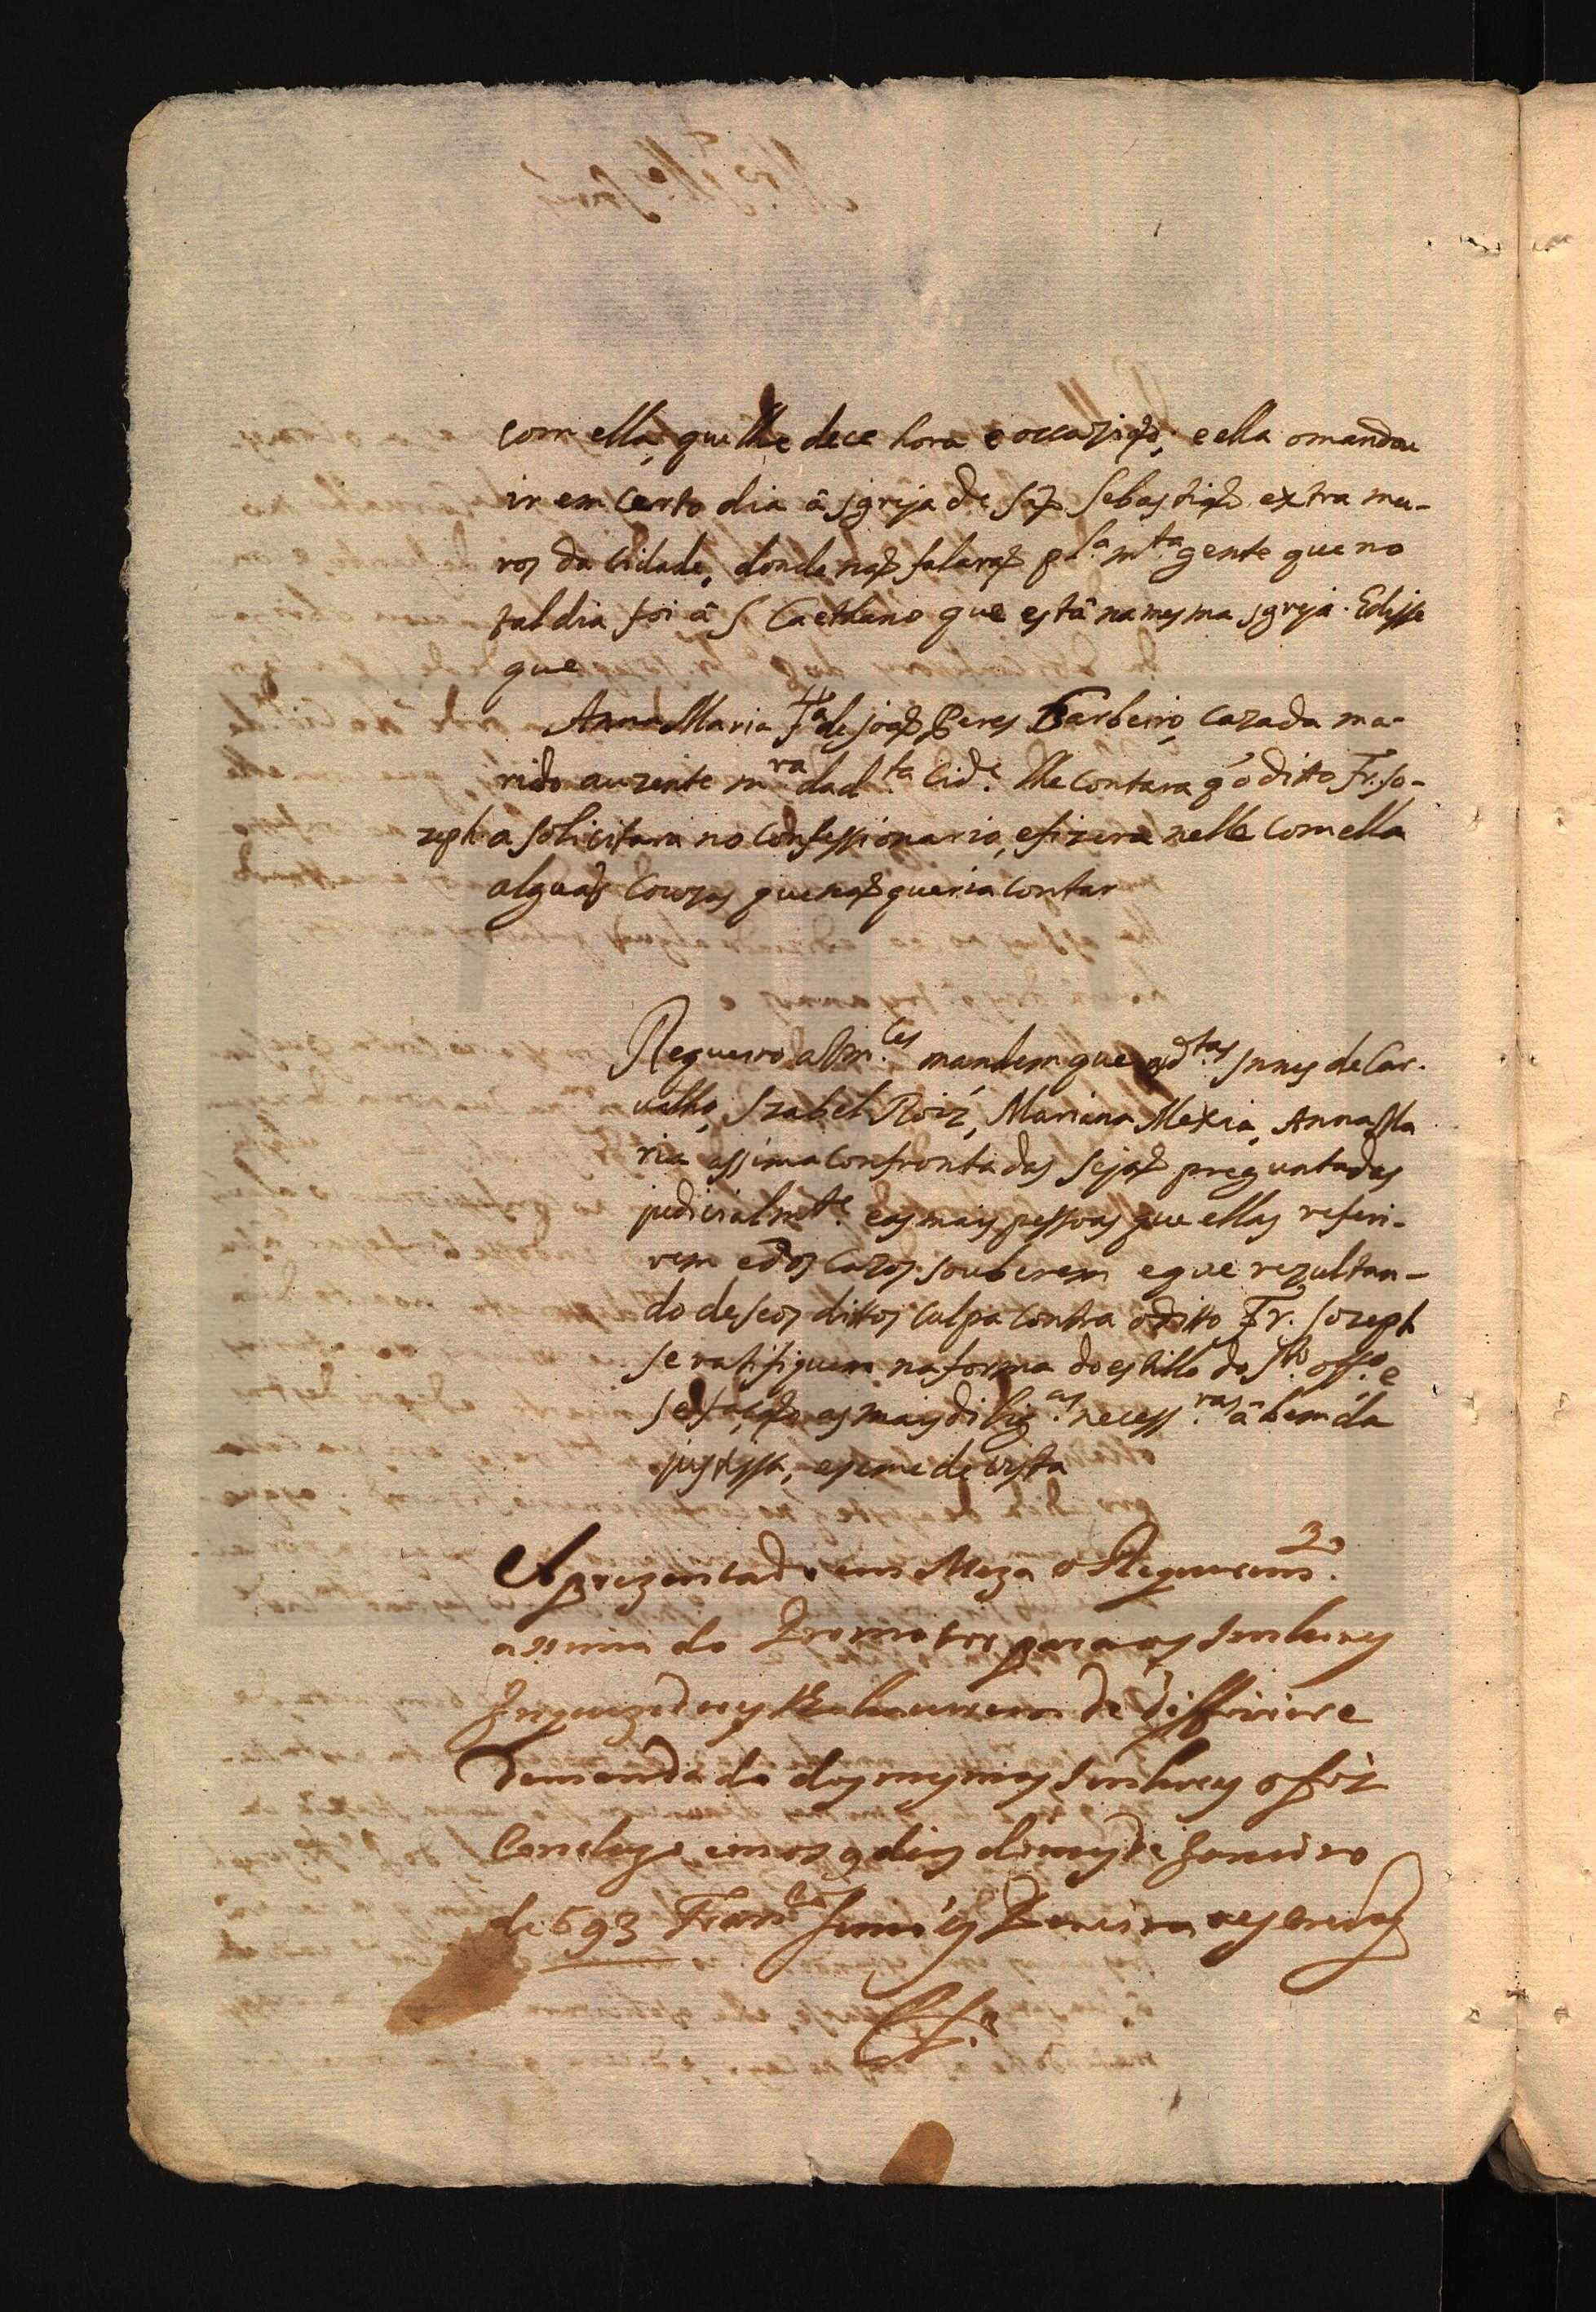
com ella, que lhe dece hora e occaziaõ, e ella o mandou
ir em certo dia á jgreja de Saõ Sebastiaõ extramu
ros da cidade, donde naõ falaraõ pl.a m.ta gente que no
tal dia foi á S Caethano que está na mesma jgreja. E disse
que
Anna Maria Fa de joaõ Peres Barbeiro, cazada ma
rido auzente m.ra da d.ta cid.e lhe contara q̄ o ditto Fr. jo
zeph a solicitara no confessionario, e fizera nelle com ella
alguās couzas que naõ queria contar
Requeiro a V m.ces mandem que as d.tas jnnes de Car
ualho, Izabel Roiz̄, Mariana Mexia Anna Ma
ria assima confrontadas sejaõ preguntadas
judicialmte. e as mais pessoas que ellas referi
rem e dos cazos souberem e que rezultan
do de seos dittos culpa contra o ditto Fr. Jozeph
se ratifiquem na forma do estillo do S.to off.o e
se façaõ as mais dilig.as necess.ras á bem da
justissa, e se me de vista
Aprezentado em Meza o Requerim.to
assima do Promotor para os senhores
Jnquizidores lhe hauerem de diffirir e
de mandado dos mesmos senhores o fiz
concluzo em os 9 dias do mes de Janeiro
de 693 Fran.co Simoẽs Pereira o escrevy
